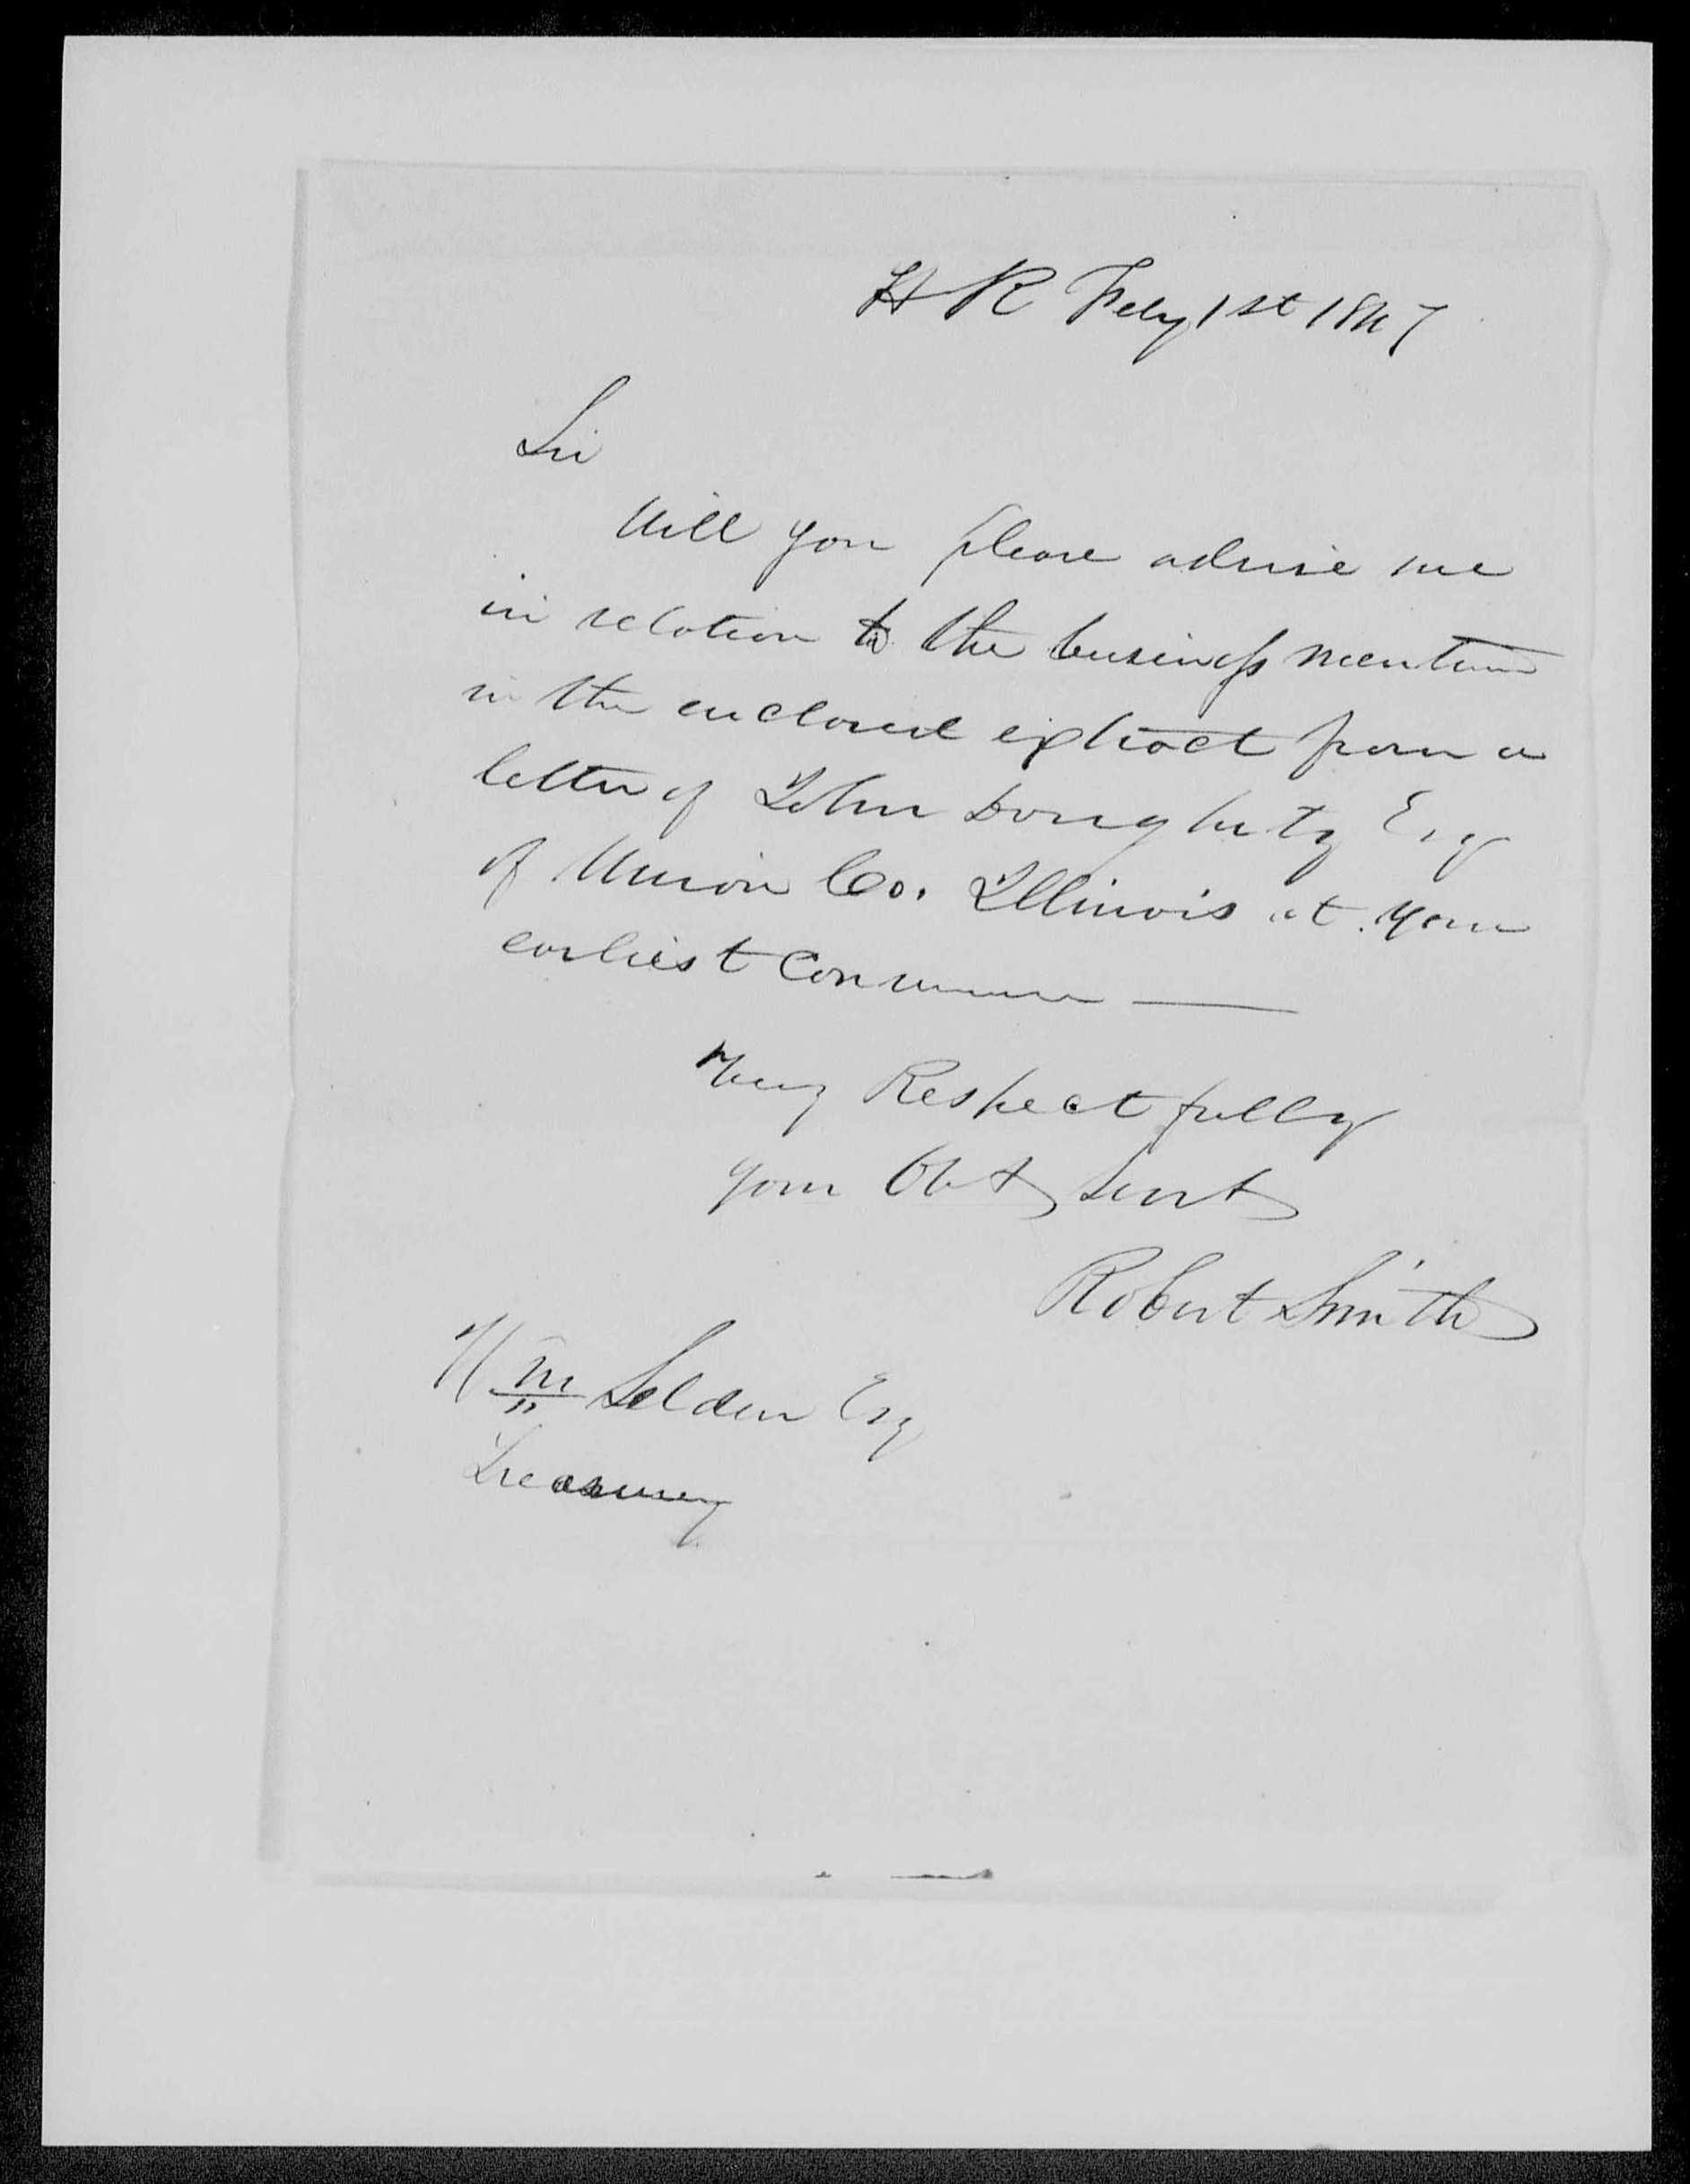H R Feby 1st 1847
Sir
Will you please advise me
in relation to the business mentioned
in the enclosed extract from a
letter of John Doughty Esq
of Union Co. Illinois at your
earliest convenience
-
Very Respectfully
Your Obt Servt
Robert Smith

Wm Selden Esq
Treasury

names: Robert Smith, John Dougherty, Wm Seldon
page: 17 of 23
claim: survivor's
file: S. 30,937, Adam Clapp, N.C.